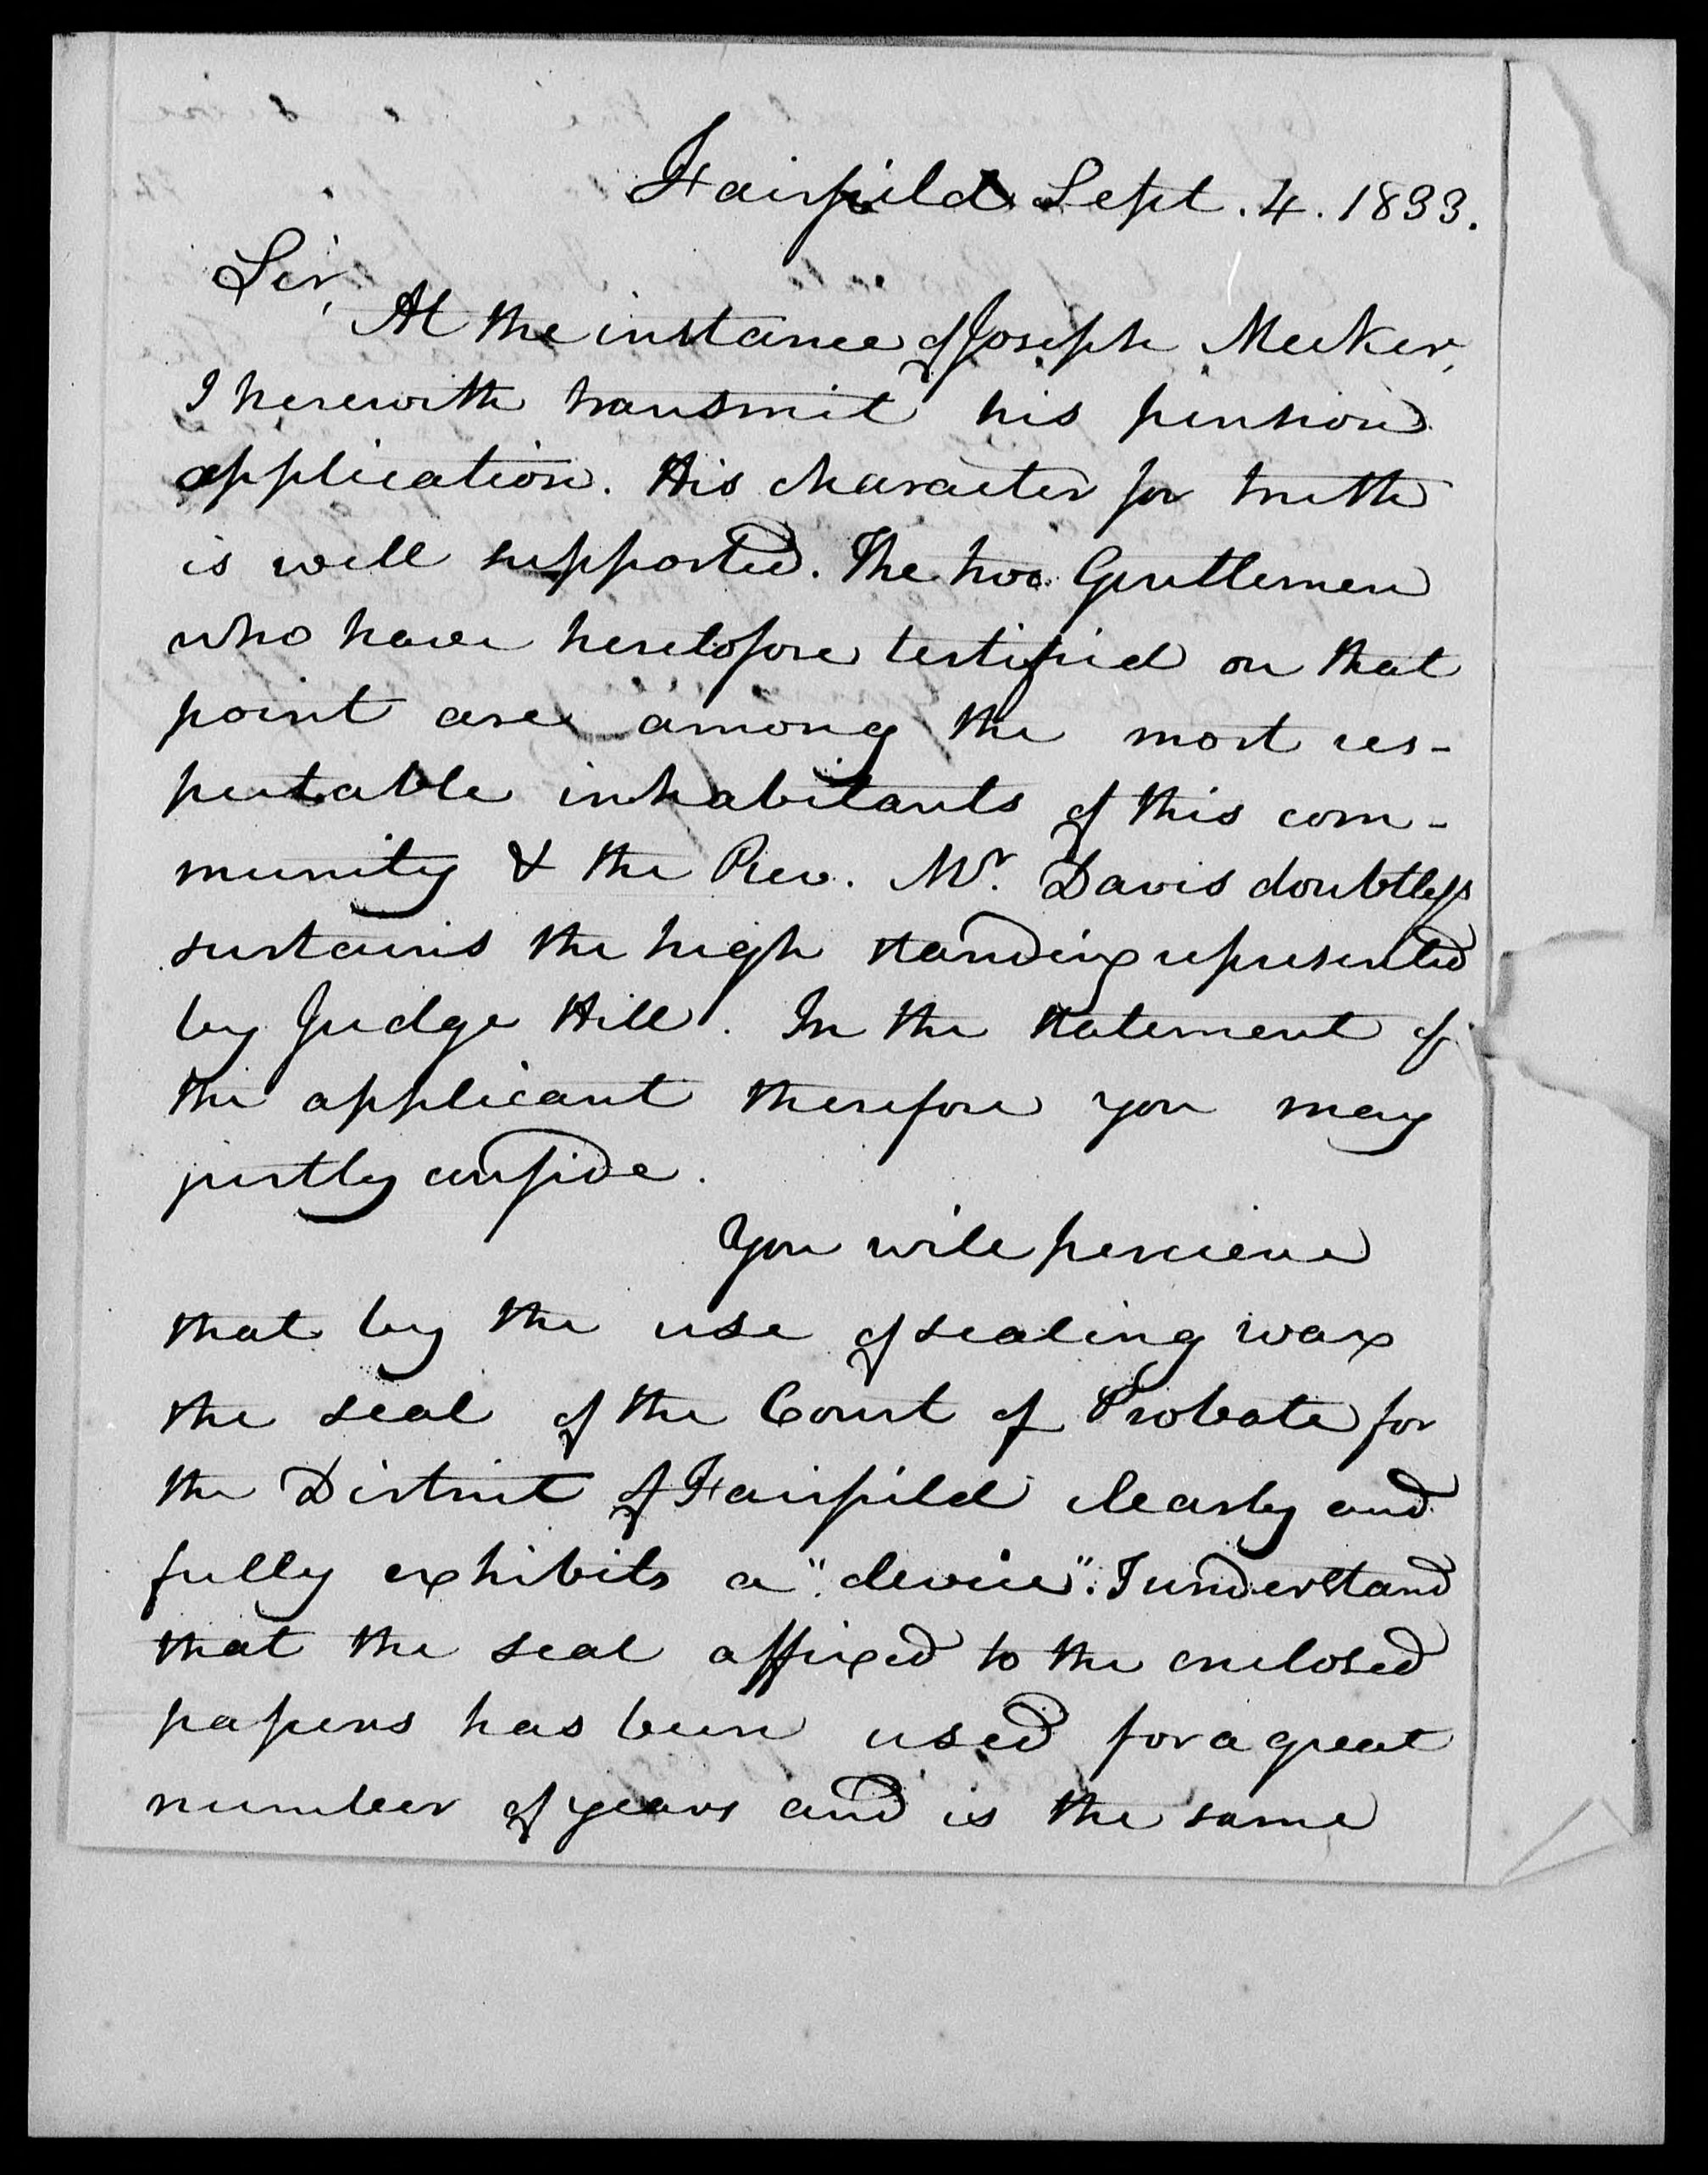Fairfield Sept. 4.1833.

Sir. 
At the instance of Joseph Meeker I herewith transmit his pension application His character for truth is well supported. The two gentlemen who have heretofore testified on that point are among the most respectable inhabitants of this community & the Rev. Mr. Davis doubtless sustains the high standing represented by Judge Hill. In the statement of the applicant therefore you may justly confide.

You will perceive that by the use of sealing wax the seal of the Court of Probate for the District of Fairfield clearly and fully exhibits a "device'.  I understand that the seal affixed to the enclosed papers has been used for a great number of years and is the same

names: Joseph Meeker; [BLANK] Davis; [BLANK] Hill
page: 21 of 22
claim: survivor's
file: S. 15,517, for Joseph Meeker, Connecticut